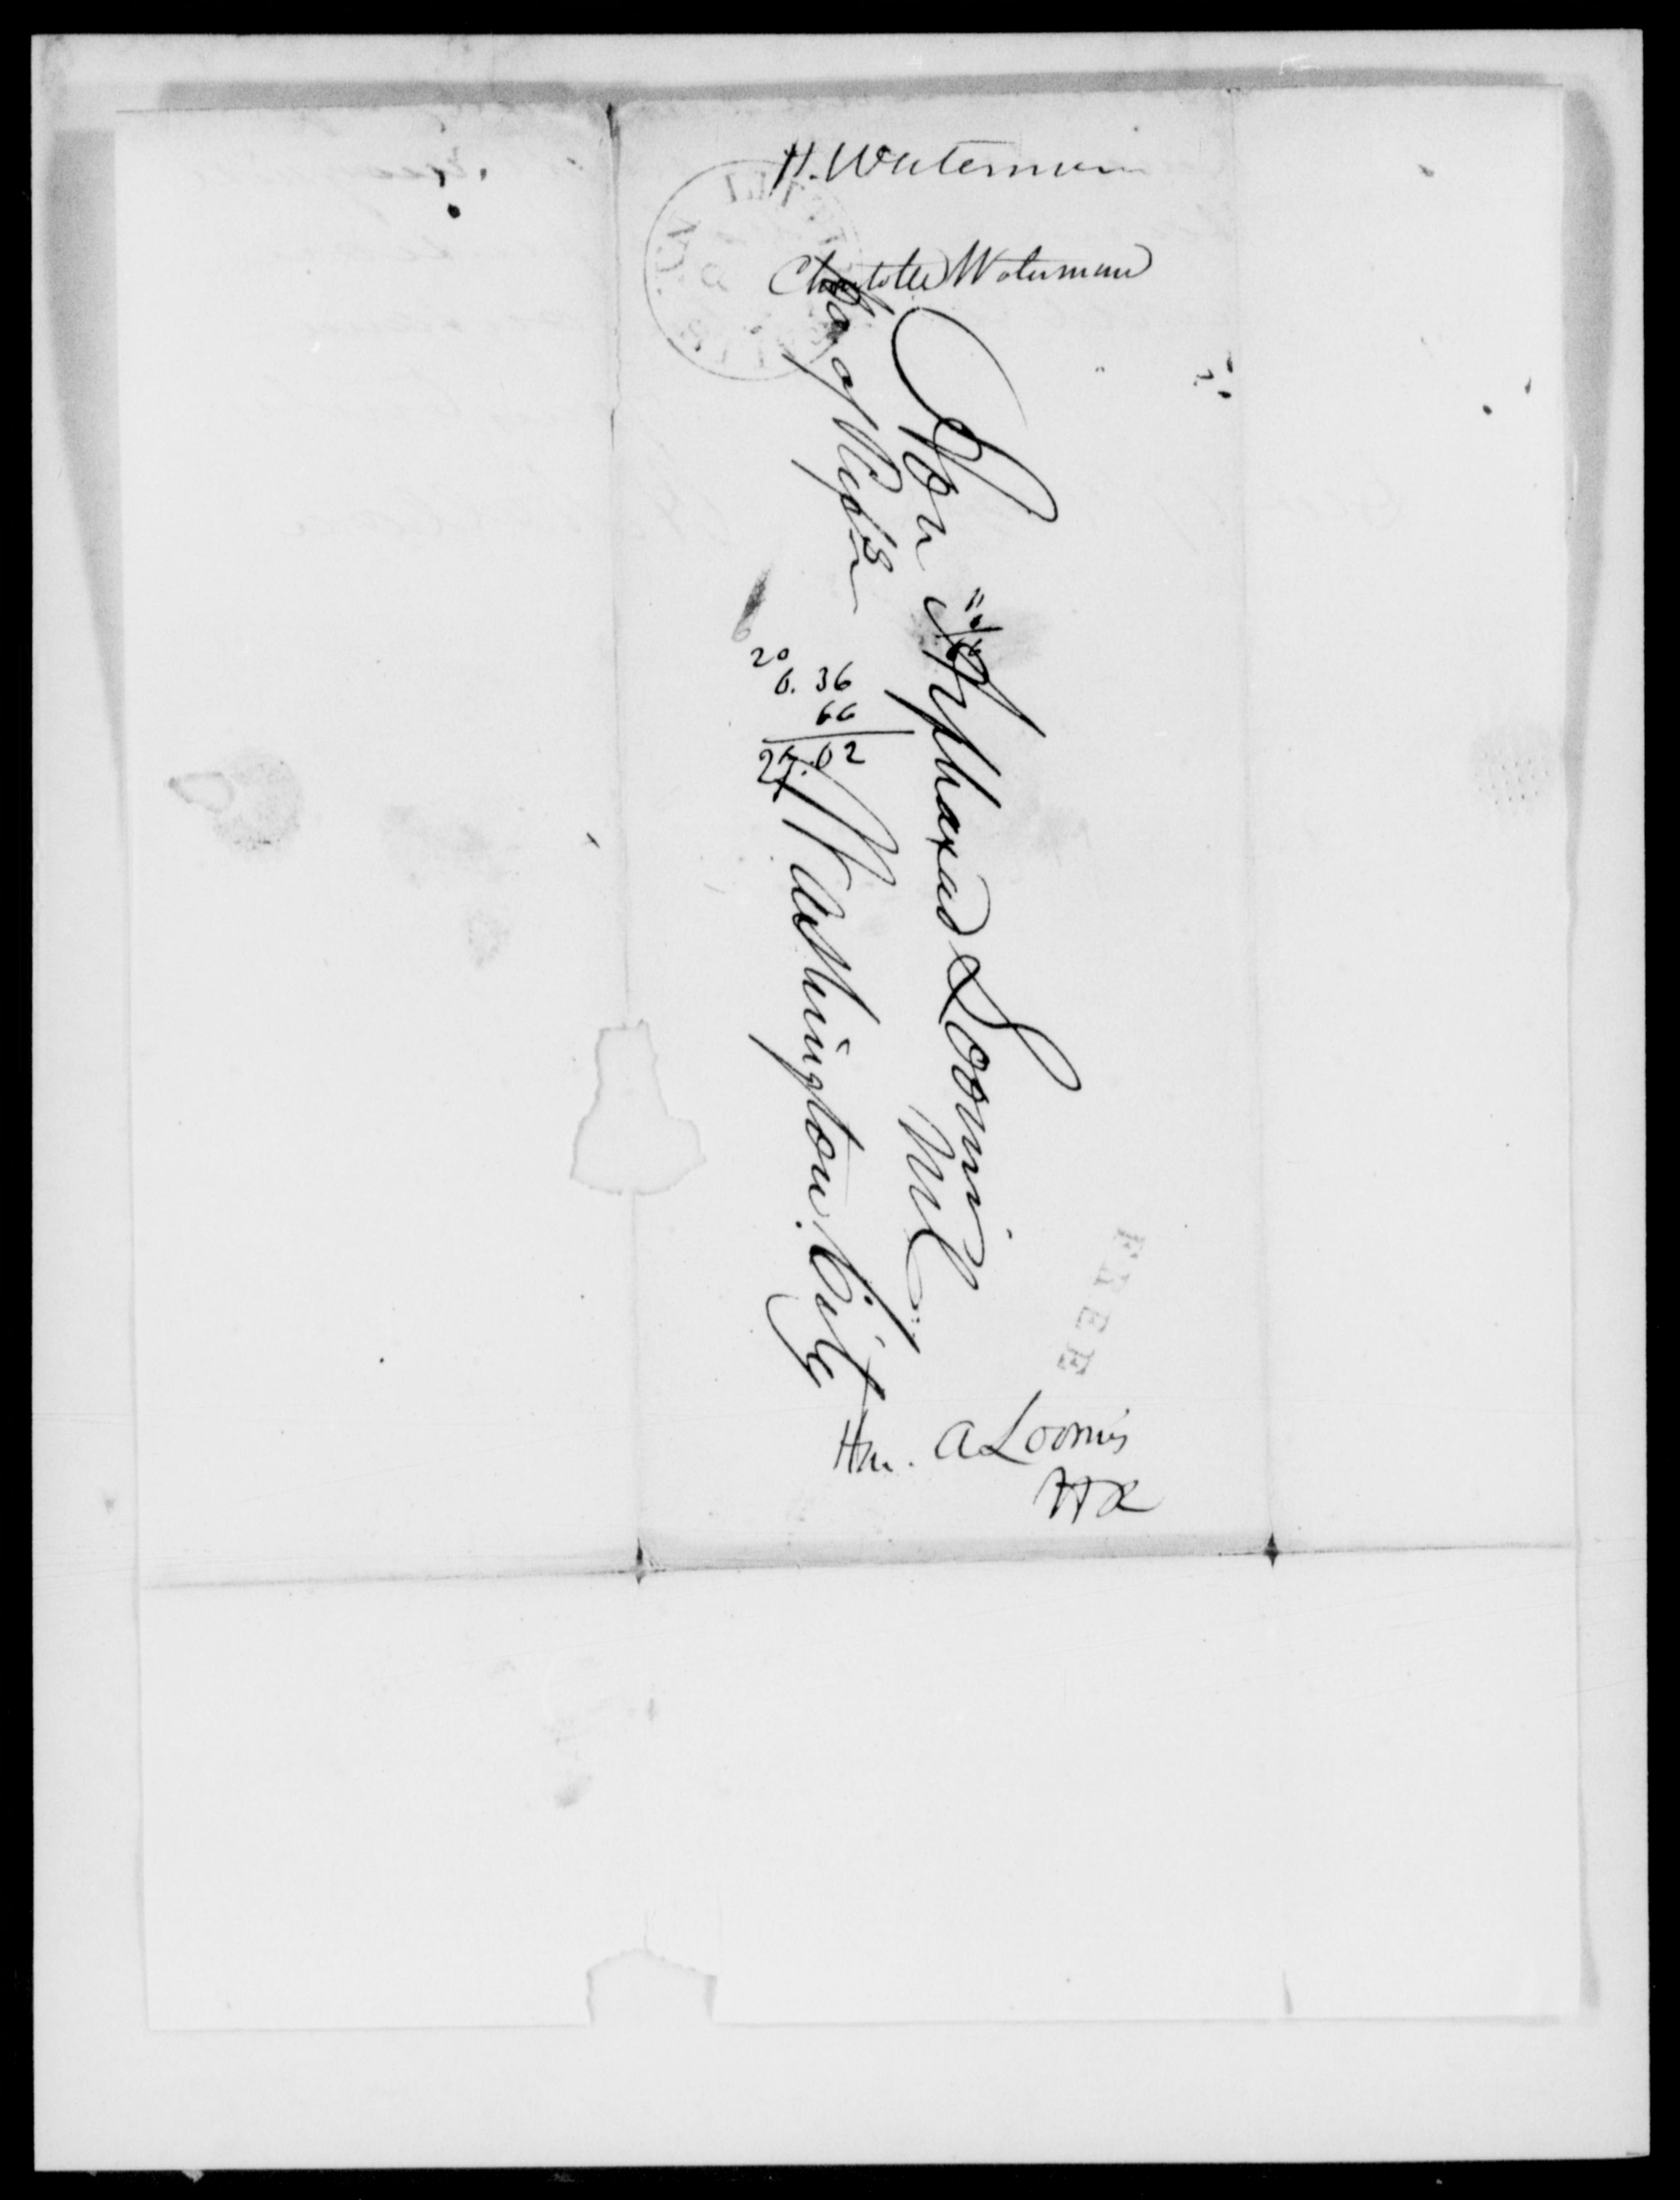H Waterman
Charlotte Waterman



20               61
   6.36            5
      66          ----
--------         66
 27.02

Hon. Arpaxad Loomis           FREE
[   ] of Rects               MC
Washington City

Hon. A Loomis
HR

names: Charlotte Waterman, Arphaxad Loomis, H Waterman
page: 34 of 50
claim: widow's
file: W. 15814, Glading Waterman, Conn. Conn. Sea Service Continental